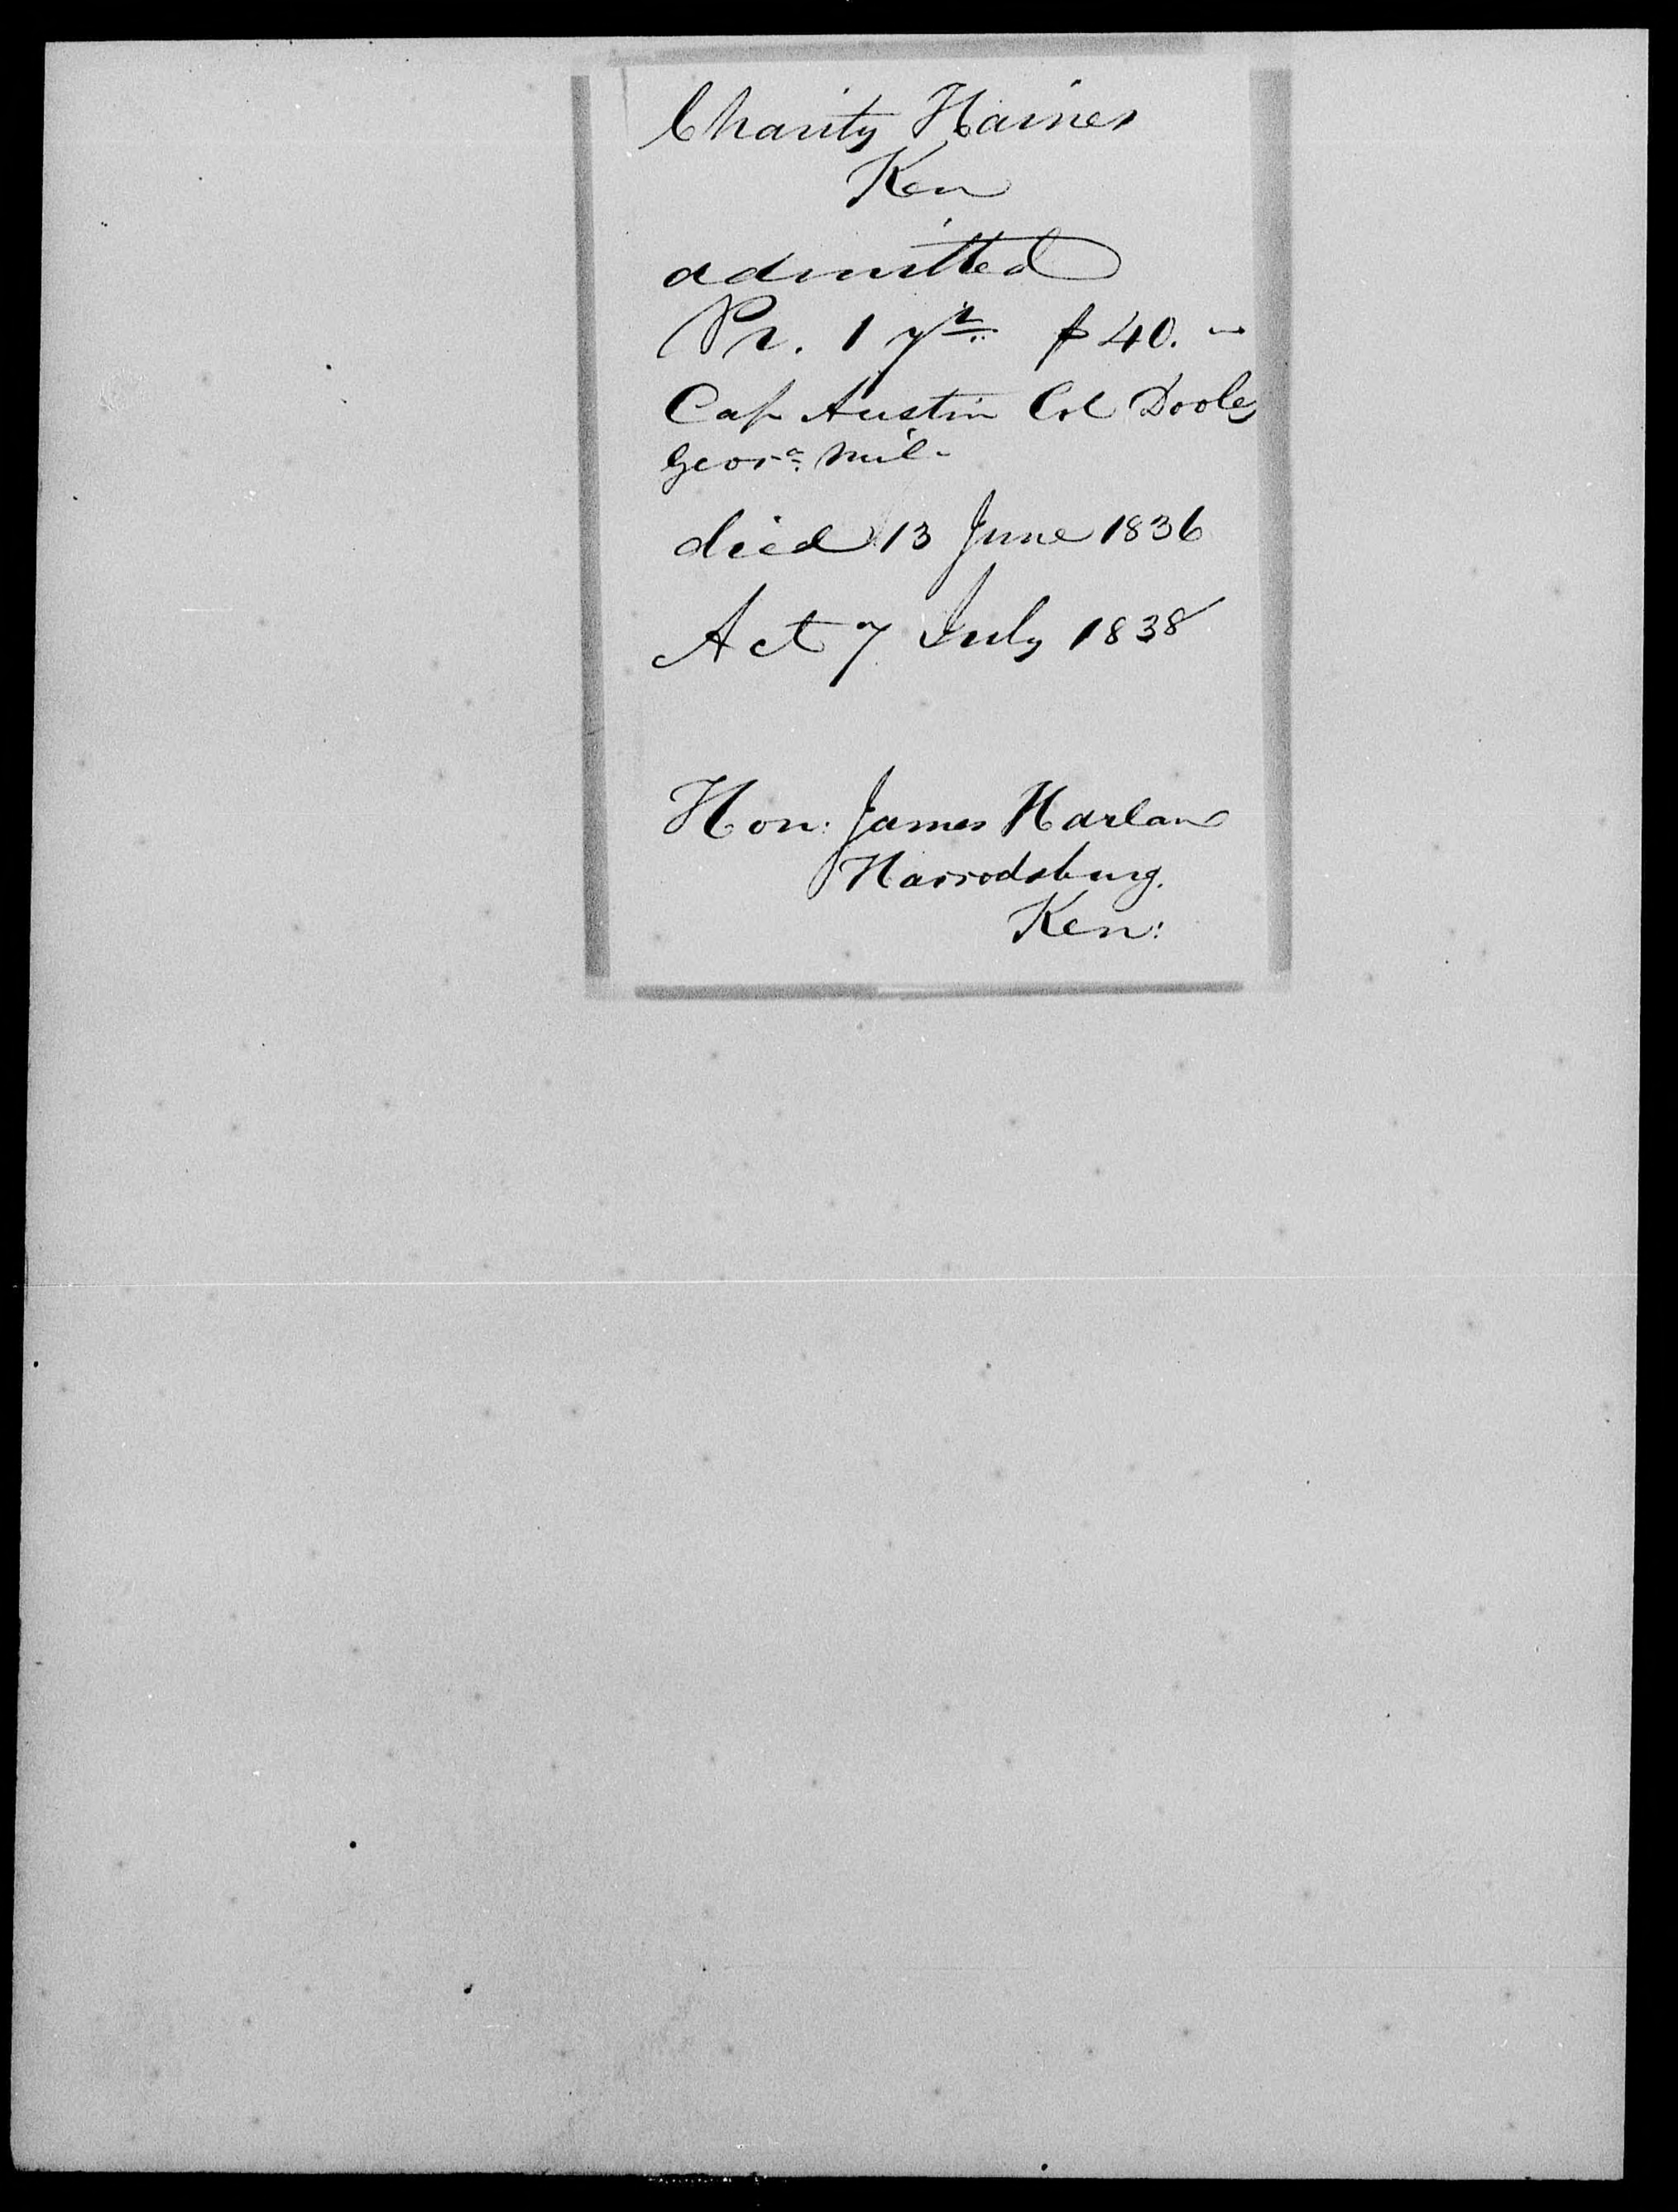Charity Haines
Ken.
admitted
Pr. 1yr. p 40.
Capt. Austin Col. Dooley
Geor.-mil.
died 13 June 1836
Act 7 July 1838
Hon. James Harlan
Harrodsburg
Ken.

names: Dooley, Charity Haines, Austin, James Harlan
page: 22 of 34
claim: widow's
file: W. 8897, Evan Haines, Ga